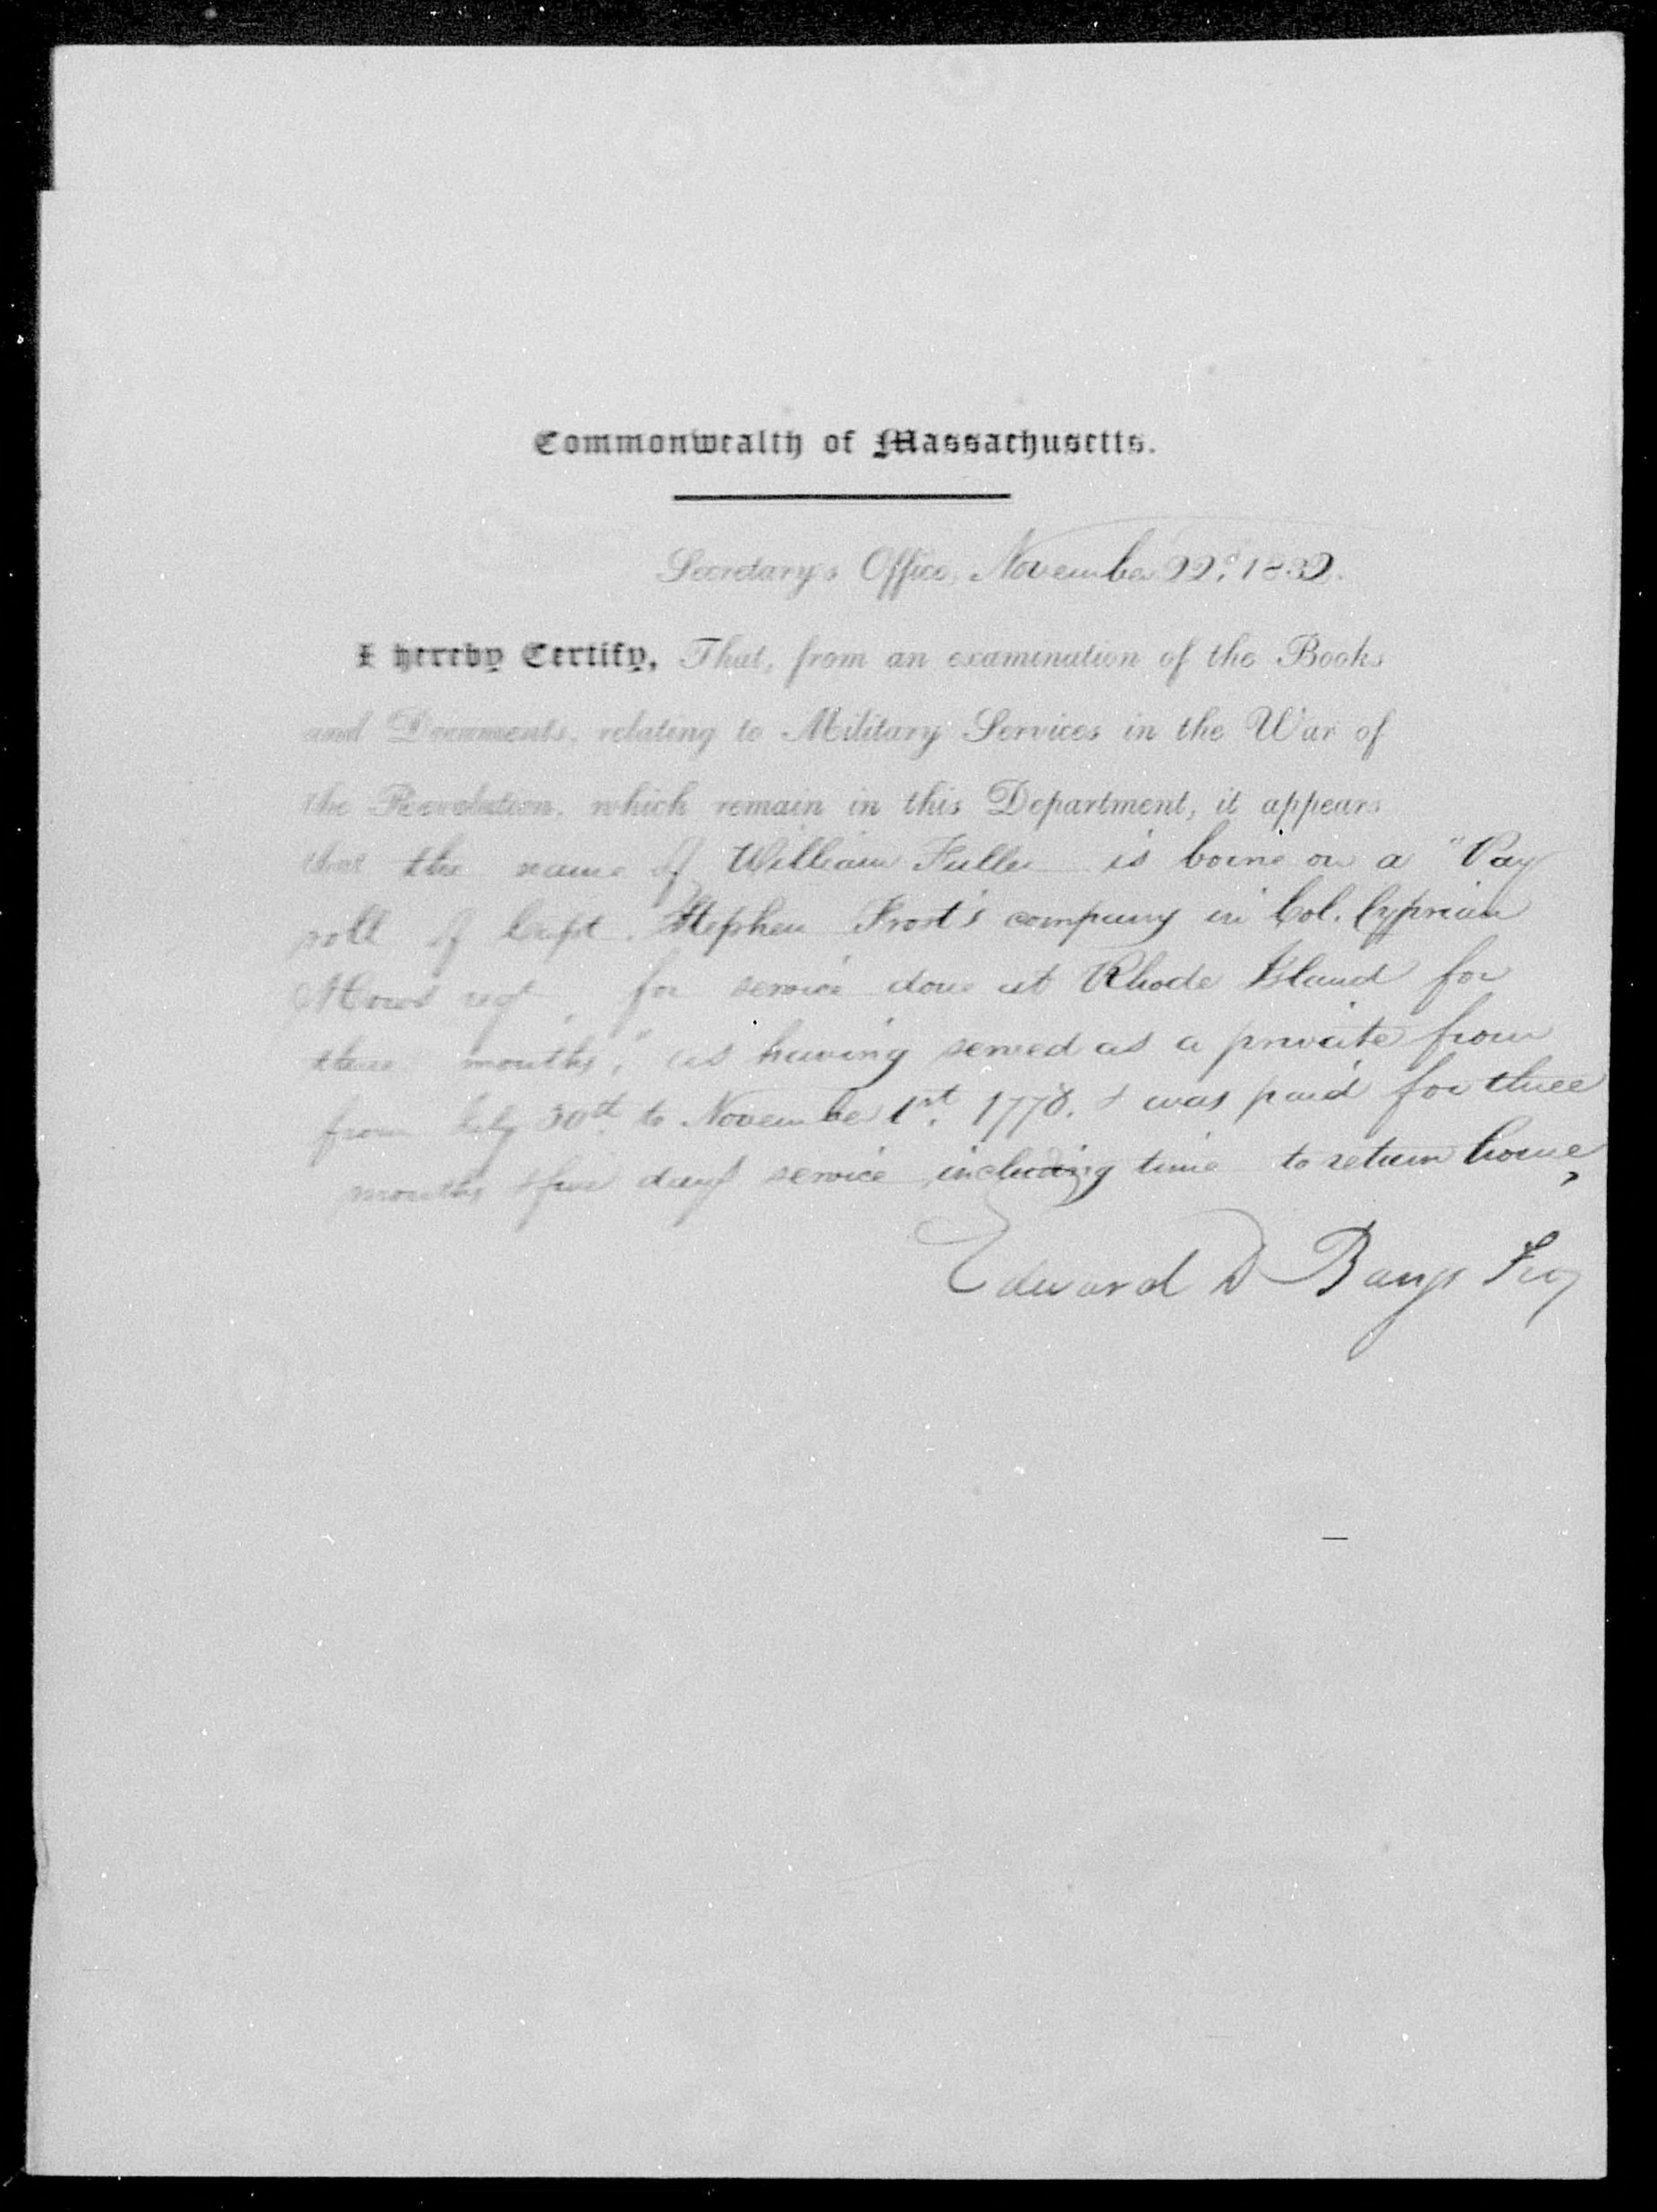Commonwealth of Massachusetts.
Secretary’s Office, November 22th, 1832.
I hereby certify, That from an examination of the Books and Documents, relating to Military Services in the War of the Revolution, which remain in this Department it appears that the name of William Fuller is borne on a “Pay roll of Capt. Stephen Frost’s company in Col. Cyprian How’s reg’t, for service done at Rhode Island for three months,” as having served as a private from from July 30th to November 1st, 1778 & was paid for three months & five days service including time to go home.
Edward D Bangs Sec’y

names: William Fuller, Edward D Bangs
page: 26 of 45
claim: widow's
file: W. 17933, William Fuller, Mass